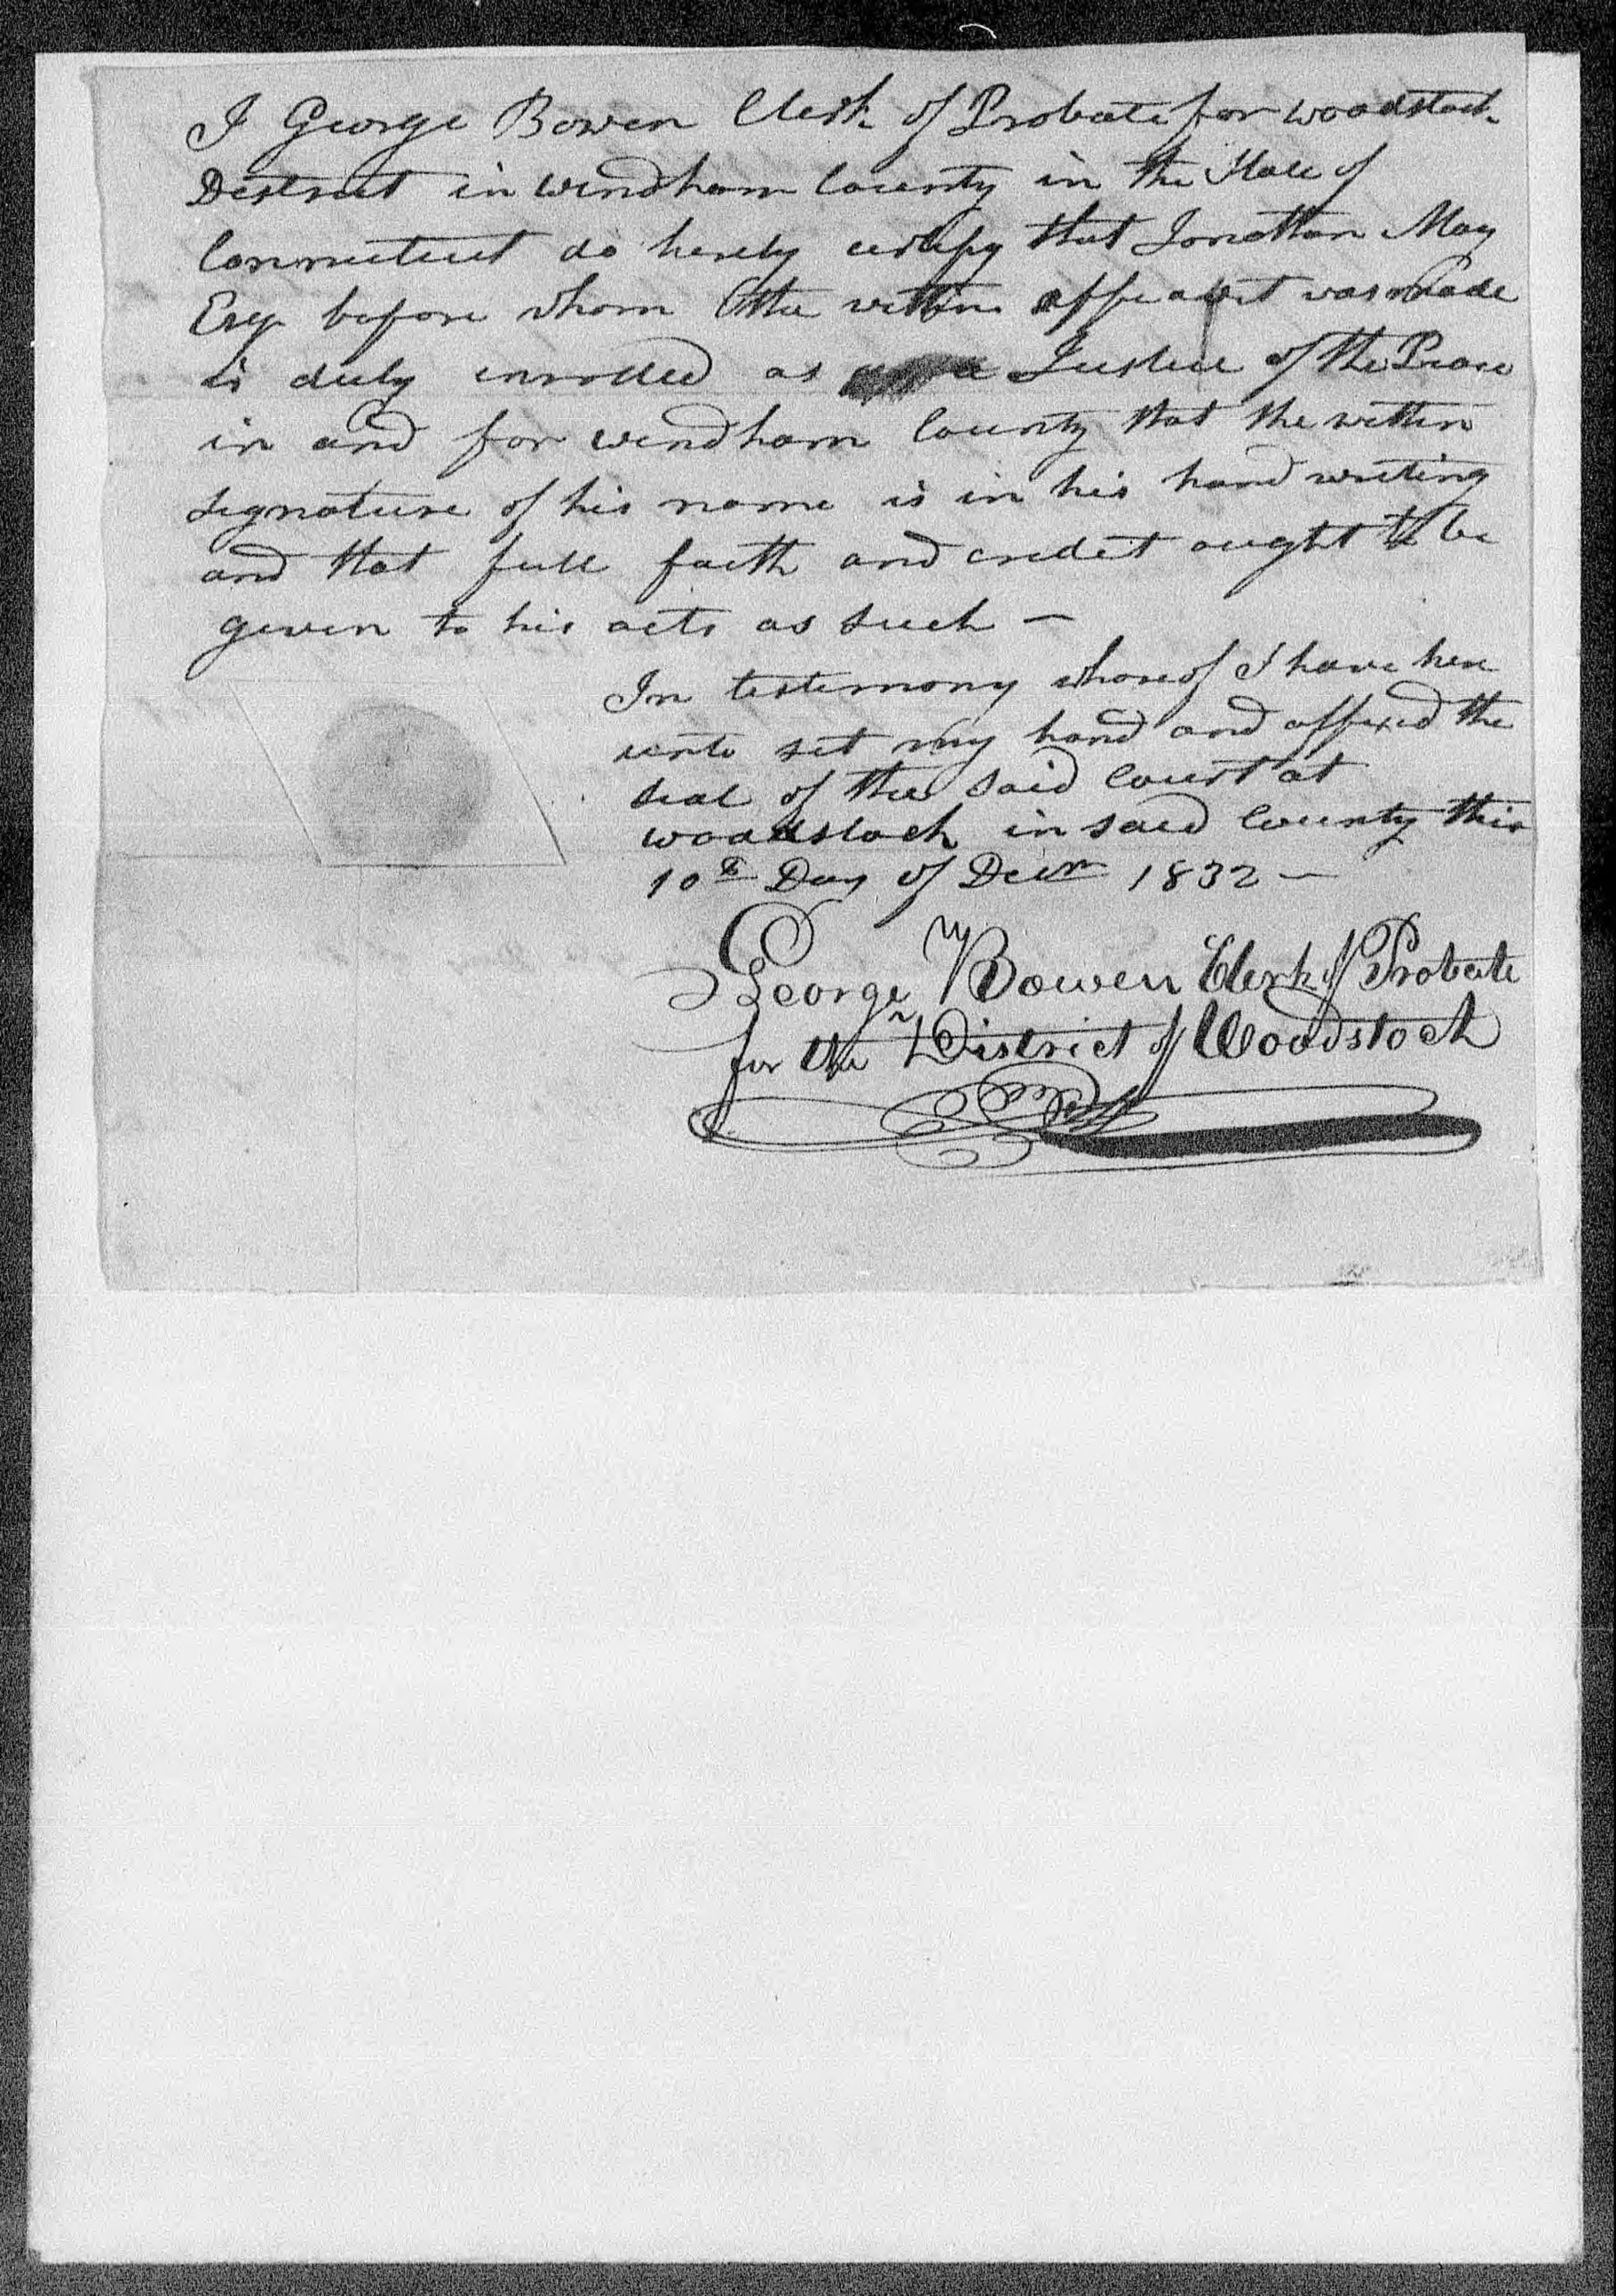I George Bowen Clerk of Probate for Woodstock District in Windham County in the State of Connecticut do hereby certify that Jonathon May Esq before whom the written affidavit was made is duly made as Justice of the Peace in and for Windham County that the written signature of his name is in his hand writing and that full faith and credit ought to be given to his acts as such - 
In testimony where of I have here unto set my hand and affixed the seal of the said court at woodstock in said county this 10th day of Dec 1832
George Bowen Clerk of Probate for the District of Woodstock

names: George Bowen, George Bowen, Jonathan May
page: 23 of 34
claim: survivor's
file: S. 31,605, Elias Child, Conn.